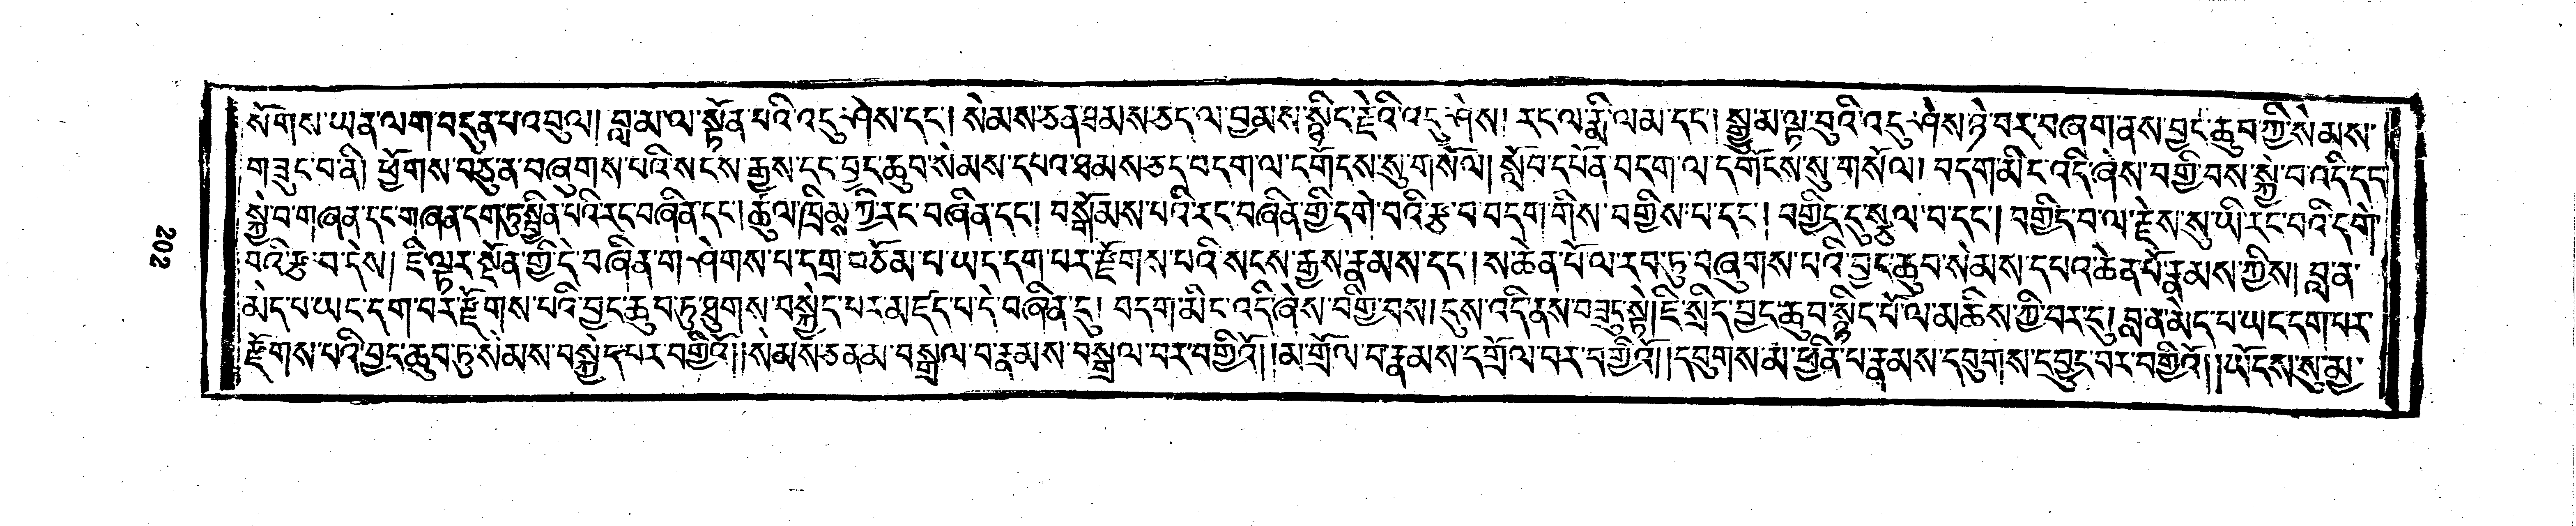སོགས་ཡན་ལག་བདུན་པ་འབུལ། བླ་མ་ལ་སྟོན་པའི་འདུ་ཤེས་དང་། སེམས་ཅན་ཐམས་ཅད་ལ་བྱམས་སྙིང་རྗེའི་འདུ་ཤེས། རང་ལ་རྨི་ལམ་དང་། སྒྱུ་མ་ལྟ་བུའི་འདུ་ཤེས་ཉེ་བར་བཞུག་ནས་བྱང་ཆུབ་ཀྱི་སེམས་
གཟུང་བ་ནི། ཕྱོགས་བཅུ་ན་བཞུགས་པའི་སངས་རྒྱས་དང་བྱང་ཆུབ་སེམས་དཔའ་ཐམས་ཅད་བདག་ལ་དགོངས་སུ་གསོལ། སློབ་དཔོན་བདག་ལ་དགོངས་སུ་གསོལ། བདག་མིང་འདི་ཞེས་བགྱི་བས་སྐྱེ་བ་འདི་དང་
སྐྱེ་བ་གཞན་དང་གཞན་དག་ཏུ་སྦྱིན་པའི་རང་བཞིན་དང་། ཚུལ་ཁྲིམས་ཀྱི་རང་བཞིན་དང་། བསྒོམས་པའི་རང་བཞིན་གྱི་དགེ་བའི་རྩ་བ་བདག་གིས་བགྱིས་པ་དང་། བགྱིད་དུ་སྩལ་བ་དང་། བགྱིད་པ་ལ་རྗེས་སུ་ཡི་རང་བའི་དགེ་
བའི་རྩ་བ་དེས། ཇི་ལྟར་སྔོན་གྱི་དེ་བཞིན་གཤེགས་པ་དགྲ་བཅོམ་པ་ཡང་དག་པར་རྫོགས་པའི་སངས་རྒྱས་རྣམས་དང་། ས་ཆེན་པོ་ལ་རབ་ཏུ་བཞུགས་པའི་བྱང་ཆུབ་སེམས་དཔའ་ཆེན་པོ་རྣམས་ཀྱིས། བླ་ན་
མེད་པ་ཡང་དག་པར་རྫོགས་པའི་བྱང་ཆུབ་ཏུ་ཐུགས་བསྐྱེད་པར་མཛད་པ་དེ་བཞིན་དུ། བདག་མིང་འདི་ཞེས་བགྱི་བས། དུས་འདི་ནས་བཟུང་སྟེ། ཇི་སྲིད་བྱང་ཆུབ་སྙིང་པོ་ལ་མཆིས་ཀྱི་བར་དུ། བླ་ན་མེད་པ་ཡང་དག་པར་
རྫོགས་པའི་བྱང་ཆུབ་ཏུ་སེམས་བསྐྱེད་པར་བགྱིའོ། །སེམས་ཅན་མ་བསྒྲལ་བ་རྣམས་བསྒྲལ་བར་བགྱིའོ། །མ་གྲོལ་བ་རྣམས་དགྲོལ་བར་བགྱིའོ། །དབུགས་མ་ཕྱིན་པ་རྣམས་དབུགས་དབྱུང་བར་བགྱིའོ། །ཡོངས་སུ་མྱ་